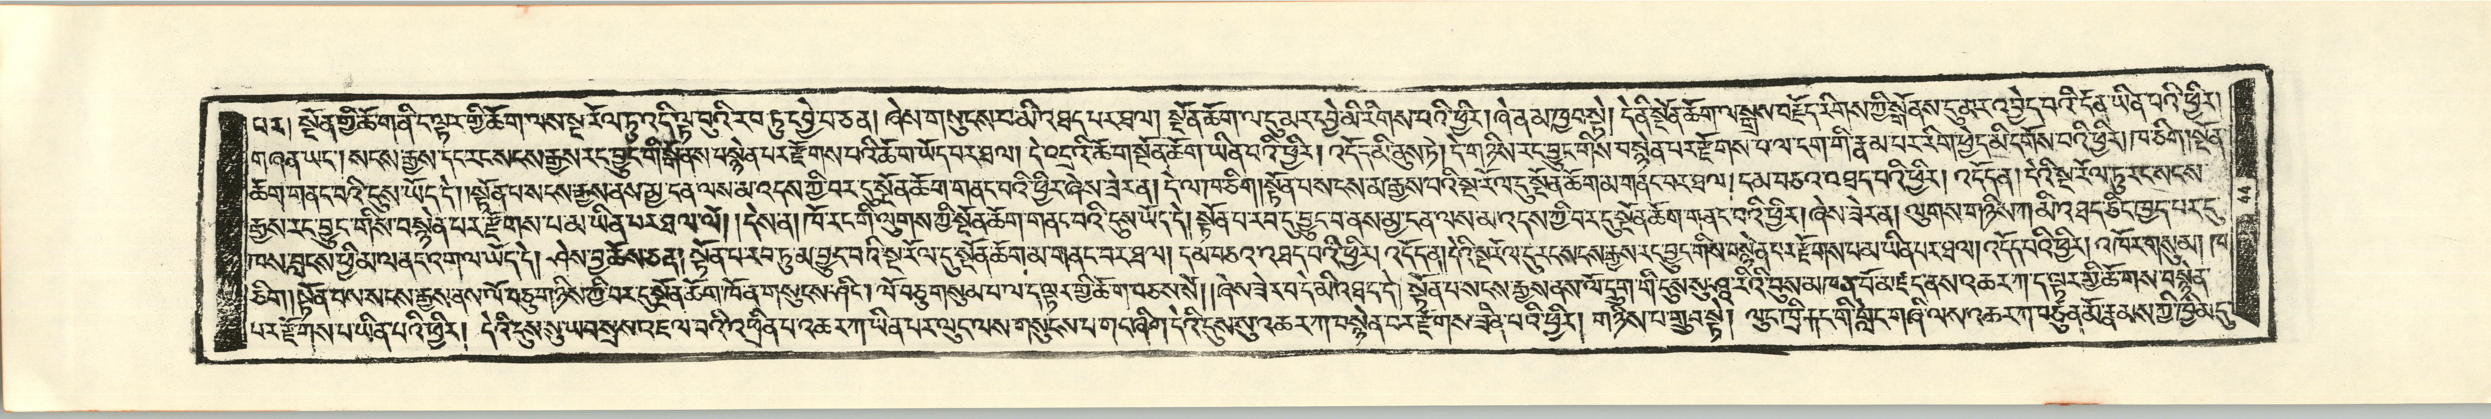པར༑ སྔོན་གྱི་ཆོ་ག་ནི་ང་ལྟར་གྱི་ཆོག་ལས་སྔ་རོལ་ཏུ་འདི་ལྟ་བུའི་རབ་ཏུ་དབྱེ་བ་ཅན། ཞེས་གསུངས་པ་མི་འཐད་པར་ཐལ། སྔོན་ཆོག་ལ་དུ་མར་དབྱེ་མི་རིགས་པའི་ཕྱིར། ཞེ་ན་མ་ཁྱབ་སྟེ། དེ་ནི་སྔོན་ཆོག་ལ་སྒྲས་བརྗོད་རིགས་ཀྱི་སྒོ་ནས་དུ་མར་འབྱེད་པའི་དོན་ཡིན་པའི་ཕྱིར།
གཞན་ཡང་། སངས་རྒྱས་དང་རང་སངས་རྒྱས་རང་བྱུང་གི་སྒོ་ནས་བསྙེན་པར་རྫོགས་པའི་ཆོ་ག་ཡོད་པར་ཐལ། དེ་འདྲའི་ཆོ་ག་སྔོན་ཆོག་ཡིན་པའི་ཕྱིར། འདོད་མི་ནུས་ཏེ། དེ་གཉིས་རང་བྱུང་གིས་བསྙེན་པར་རྫོགས་པ་ལ་དག་གི་རྣམ་པར་རིག་ཕྱེད་མི་དགོས་པའི་ཕྱིར། ཁ་ཅིག །སྔོན་
ཆོག་གནང་བའི་དུས་ཡོད་དེ། །སྟོན་པ་སངས་རྒྱས་ནས་མྱ་ངན་ལས་མ་འདས་ཀྱི་བར་དུ་སྔོན་ཆོག་གནང་བའི་ཕྱིར་ཞེས་ཟེར་ན། དེ་ལ་ཁ་ཅིག །སྟོན་པ་སངས་མ་རྒྱས་པའི་སྔ་རོལ་དུ་སྔོན་ཆོག་མ་གནང་བར་ཐལ། དམ་བཅའ་འཐད་པའི་ཕྱིར། འདོད་ན། དེའི་སྔ་རོལ་ཏུ་རང་སངས་
རྒྱས་རང་བྱུང་གིས་བསྙེན་པར་རྫོགས་པ་མ་ཡིན་པར་ཐལ་ལོ། །དེས་ན། ཁོ་རང་གི་ལུགས་ཀྱི་སྔོན་ཆོག་གནང་བའི་དུས་ཡོད་དེ། སྟོན་པ་རབ་དུ་བྱུང་བ་ནས་མྱ་ངན་ལས་མ་འདས་ཀྱི་བར་དུ་སྔོན་ཆོག་གནང་བའི་ཕྱིར། ཞེས་ཟེར་ན། ལུགས་གཉིས་ཀ་མི་འཐད་ཅིང་ཁྱད་པར་དུ་
ཁས་བླངས་ཕྱི་མ་ལ་ནང་འགལ་ཡོད་དེ། ཤེས་བྱ་ཆོས་ཅན། སྟོན་པ་རབ་ཏུ་མ་བྱུང་བའི་སྔ་རོལ་དུ་སྔོན་ཆོག་མ་གནང་བར་ཐལ། དམ་བཅའ་འཐད་པའི་ཕྱིར། འདོད་ན། དེའི་སྔ་རོལ་དུ་རང་སངས་རྒྱས་རང་བྱུང་གིས་བསྙེན་པར་རྫོགས་པ་མ་ཡིན་པར་ཐལ། འདོད་པའི་ཕྱིར། འཁོར་གསུམ། ཁ་
ཅིག ༑སྟོན་པས་སངས་རྒྱས་ནས་ལོ་བཅུ་གཉིས་ཀྱི་བར་དུ་སྔོན་ཆོག་ཁོ་ན་གསུངས་ཤིང་། ལོ་བཅུ་གསུམ་པ་ལ་ད་ལྟར་གྱི་ཆོ་ག་བཅས་སོ། །ཞེས་ཟེར་བ་དེ་མི་འཐད་དེ། སྟོན་པ་སངས་རྒྱས་ནས་ལོ་དྲུག་གི་དུས་སུ་ཤཱ་རིའི་བུས་མཁན་པོ་མཛད་ནས་འཆར་ཀ་ད་ལྟར་གྱི་ཆོ་གས་བསྙེན་
པར་རྫོགས་པ་ཡིན་པའི་ཕྱིར། དེའི་དུས་སུ་ཡབ་སྲས་འཇལ་བའི་འཕྲིན་པ་འཆར་ཀ་ཡིན་པར་ལུང་ལས་གསུངས་པ་གང་ཞིག་དེའི་དུས་སུ་འཆར་ཀ་བསྙེན་པར་རྫོགས་ཟིན་པའི་ཕྱིར། གཉིས་པ་གྲུབ་སྟེ། ལུང་ཁྲི་རྐང་གི་གླེང་གཞི་ལས་འཆར་ཀ་བཙུན་མོ་རྣམས་ཀྱི་ཁྱིམ་དུ་